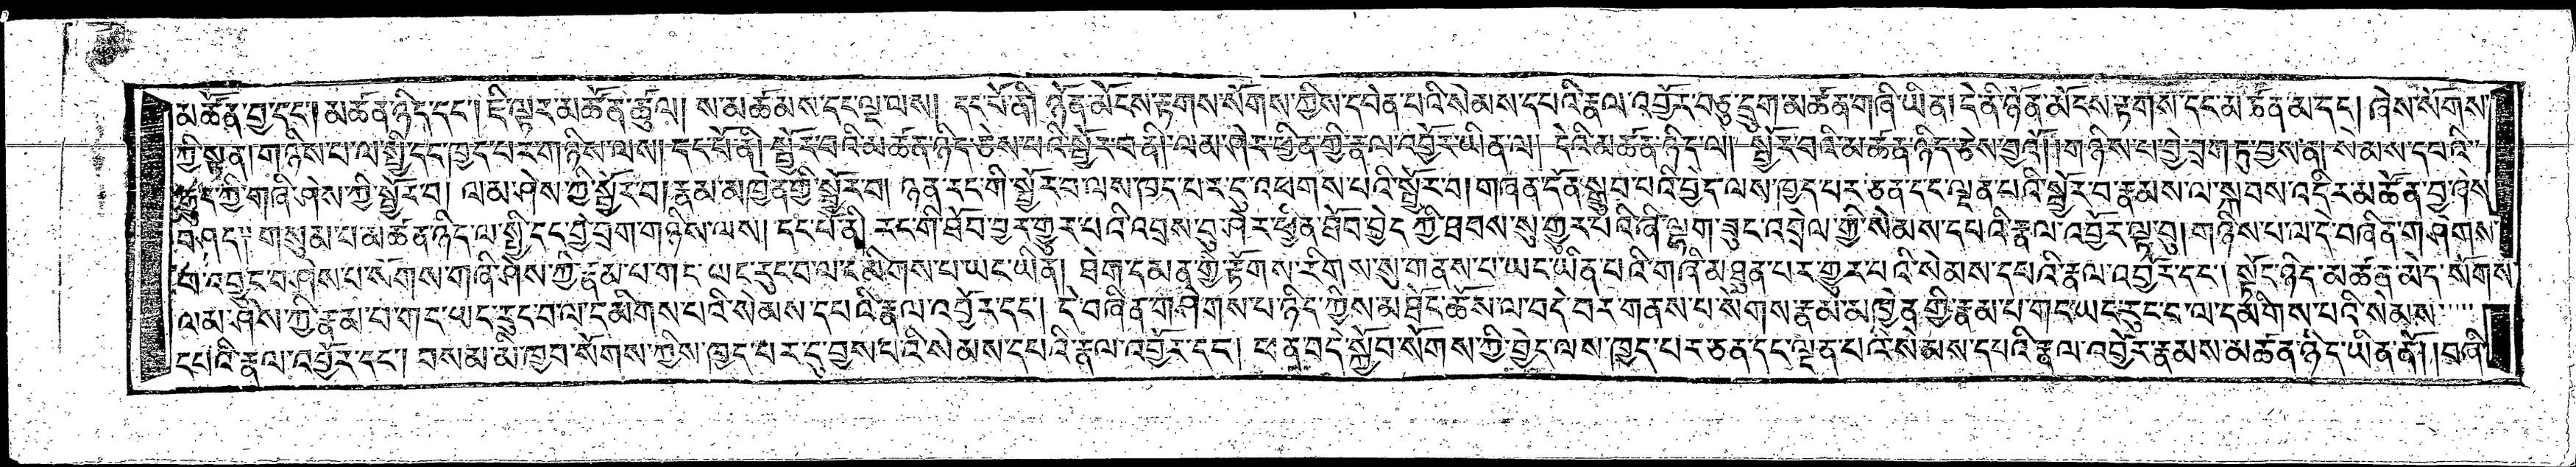མཚོན་བྱ་དང་། མཚན་ཉིད་དང་། ཇི་ལྟར་མཚོན་ཚུལ། ས་མཚམས་དང་ལྔ་ལས། དང་པོ་ནི། ཉོན་མོངས་རྟགས་སོགས་ཀྱིས་དབེན་པའི་སེམས་དཔའི་རྣལ་འབྱོར་བཅུ་དྲུག་མཚན་གཞི་ཡིན། དེ་ནི་ཉོན་མོངས་རྟགས་དང་མཚན་མ་དང་། ཞེས་སོགས་
ཀྱི་སྟན། གཉིས་པ་ལ་སྤྱི་དང་ཁྱད་པར་གཉིས་ལས། དང་པོ་ནི། སྦྱོར་བའི་མཚན་ཉིད་ཅེས་པའི་སྦྱོར་བ་ནི། ལམ་ཤེར་ཕྱིན་གྱི་རྣལ་འབྱོར་ཡིན་ལ། དེའི་མཚན་ཉིད་ལ། སྦྱོར་བའི་མཚན་ཉིད་ཅེས་བྱའོ། །གཉིས་པ་བྱེ་བྲག་ཏུ་བྱས་ན། སེམས་དཔའི་
རྒྱུད་ཀྱི་གཞི་ཤེས་ཀྱི་སྦྱོར་བ། ལམ་ཤེས་ཀྱི་སྦྱོར་བ། རྣམ་མཁྱེན་གྱི་སྦྱོར་བ། ཉན་རང་གི་སྦྱོར་བ་ལས་ཁྱད་པར་དུ་འཕགས་པའི་སྦྱོར་བ། གཞན་དོན་སྒྲུབ་པའི་བྱེད་ལས་ཁྱད་པར་ཅན་དང་ལྡན་པའི་སྦྱོར་བ་རྣམས་ལ་སྐབས་འདིར་མཚོན་བྱ་ཞེས་
བཤད༑ གསུམ་པ་མཚན་ཉིད་ལ་སྤྱི་དང་བྱེ་བྲག་གཉིས་ལས། དང་པོ་ནི། རང་གི་ཐོབ་བྱར་གྱུར་པའི་འབྲས་བུ་ཤེར་ཕྱིན་ཐོབ་བྱེད་ཀྱི་ཐབས་སུ་གྱུར་པའི་ཞི་ལྷག་ཟུང་འབྲེལ་གྱི་སེམས་དཔའི་རྣལ་འབྱོར་ལྟ་བུ། གཉིས་པ་ལ་དེ་བཞིན་གཤེགས་
པ་འབྱུང་བ་ཤེས་པ་སོགས་གཞི་ཤེས་ཀྱི་རྣམ་པ་གང་ཡང་རུང་བ་ལ་དམིགས་པ་ཡང་ཡིན། ཐེག་དམན་གྱི་རྟོགས་རིགས་སུ་གནས་པ་ཡང་ཡིན་པའི་གཞི་མཐུན་པར་གྱུར་པའི་སེམས་དཔའི་རྣལ་འབྱོར་དང་། སྟོང་ཉིད་མཚན་མེད་སོགས་
ལམ་ཤེས་ཀྱི་རྣམ་པ་གང་ཡང་རུང་བ་ལ་དམིགས་པའི་སེམས་དཔའི་རྣལ་འབྱོར་དང་། དེ་བཞིན་གཤེགས་པ་ཉིད་ཀྱིས་མཐོང་ཆོས་ལ་བདེ་བར་གནས་པ་སོགས་རྣམ་མཁྱེན་གྱི་རྣམ་པ་གང་ཡང་རུང་བ་ལ་དམིགས་པའི་སེམས་
དཔའི་རྣལ་འབྱོར་དང་། བསམ་མི་ཁྱབ་སོགས་ཀྱིས་ཁྱད་པར་དུ་བྱས་པའི་སེམས་དཔའི་རྣལ་འབྱོར་དང་། ཕན་བདེ་སྐྱོབ་སོགས་ཀྱི་བྱེད་ལས་ཁྱད་པར་ཅན་དང་ལྡན་པའི་སེམས་དཔའི་རྣལ་འབྱོར་རྣམས་མཚན་ཉིད་ཡིན་ནོ། །བཞི་